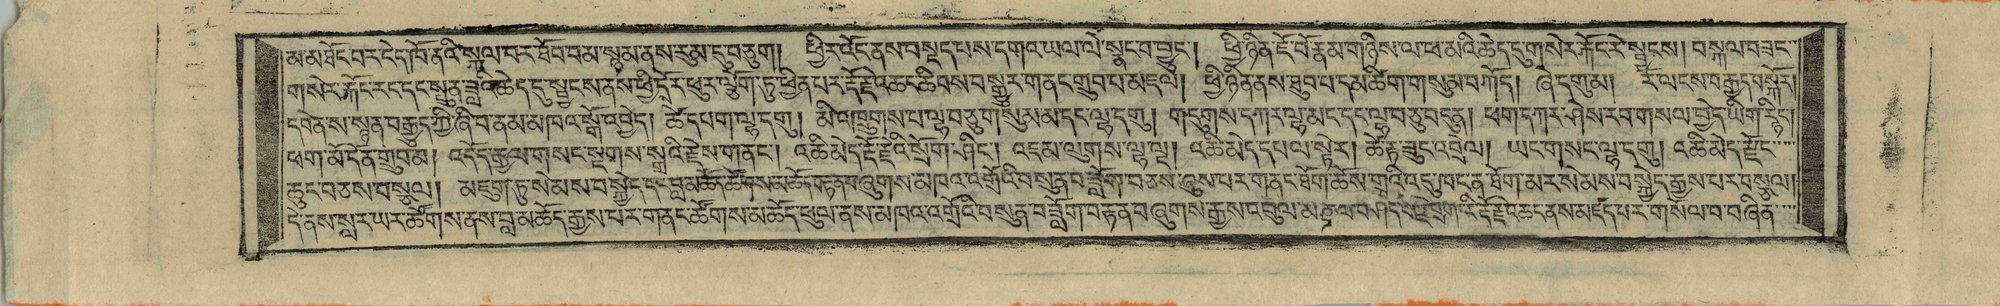མ་མཐོང་བར་ངེད་ཁོ་ནའི་སྐལ་བར་ཐོབ་བམ་སྙམ་ནས་རུམ་དུ་བཅུག །ཕྱིར་འོང་ནས་བསྡད་པས་དགའ་ཡལ་ལེ་སྣང་བ་བྱུང་། ཕྱི་ཉིན་ཇོ་བོ་རྣམ་གཉིས་ལ་ཕ་མའི་ཆེད་དུ་གསེར་རྐོང་རེ་སྦྱངས། བསྐལ་བཟང་
གསེར་རྐོང་རང་དང་སྤུན་ཟླའི་ཆེད་དུ་སྦྱངས་ནས་ཕྱི་དྲོར་ཕུར་ལྕོག་ཏུ་ཕྱིན་པར་རྡོ་རྗེ་འཆང་ཆིབས་བསྒྱུར་གནང་གྲུབ་པ་མཇལ། ཕྱི་ཉིན་ནས་ཐུབ་པ་དམ་ཚིག་གསུམ་བཀོད། ཞེ་དགུ་མ། རོ་ལངས་བརྒྱད་བསྐོར།
དབེན་ས་སྙན་བརྒྱུད་ཀྱི་ཞི་བ་ནམ་མཁའ་སྒོ་འབྱེད། ཚེ་དཔག་ལྷ་དགུ །མི་འཁྲུགས་པ་ལྷ་བཅུ་གསུམ་མ་དང་ལྷ་དགུ །གདུགས་དཀར་ལྷ་མང་དང་ལྷ་བཅུ་བདུན། ཕག་དཀར་ཤེས་རབ་གསལ་བྱེད་ཡིག་རྙིང་།
ཕག་མོ་དོན་གྲུབ་མ། འདོད་རྒྱལ་གསང་སྔགས་སྒྲའི་རྗེས་གནང་། འཆི་མེད་རྡོ་རྗེའི་སྲོག་ཤིང་། འཇམ་ལུགས་ལྷ་ལྔ། འཆི་མེད་དཔལ་སྟེར། ཚེ་རྟ་ཟུང་འབྲེལ། ཡང་གསང་ལྷ་དགུ །འཆི་མེད་རྫོང་
ཆུང་བཅས་བསྩལ། མཇུག་ཏུ་སེམས་བསྐྱེད་དང་བླ་མཆོད་ཚོགས་མཆོད་བརྟན་བཞུགས་མཁའ་འགྲོའི་བསུན་བཟློག་བཅས་ཞུས་པར་གནང་ཐོག་ཆོས་གྲྭའི་འདུ་ཁང་ན་ཐོག་མར་སེམས་བསྐྱེད་རྒྱས་པར་བསྩལ།
དེ་ནས་སླར་ཡར་ཚོགས་ནས་བླ་མཆོད་རྒྱས་པར་གནང་ཚོགས་མཆོད་ཕུལ་ནས་མཁའ་འགྲོའི་བསུན་བཟློག་བརྟན་བཞུགས་རྒྱས་འབུལ་མཎྜལ་བཤད་པ་རྗེ་བྲག་རི་རྡོ་རྗེ་འཆང་ནས་མཛད་པར་གསོལ་བ་བཞིན་